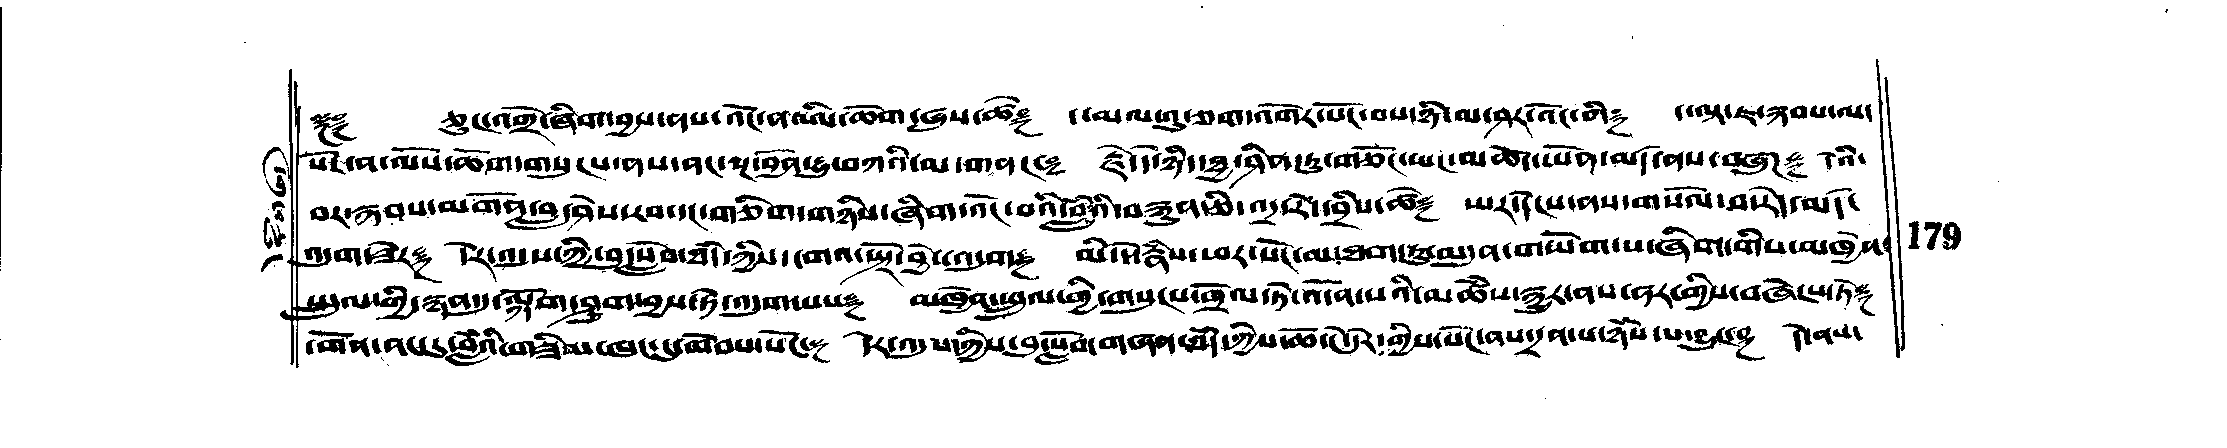ཅུང་འགྲོ་ཞིག་བྱས་ནས་འོང་ན་ཨི་ཆོག་ཞུས་ཚེ། ད་མལ་འུ་ཅག་འགོར་སོང་བས་ཉི་མ་ཤར་འོང་གི། ད་ལྟ་ཇ་སྐབས་ལ་
སོང་ན་ལོས་ཆོག་གསུངས་ནས་ནངས་སྔ་བྱོན་རྒྱུ་བཀའི་མ་གནང་། རྗེ་དེ་ཉིད་ཐུགས་ཤིན་ཏུ་གཅོང་ཡང་མཆོད་དཔོན་མཛད་ནས་བཞུགས།དེའི་
བར་སྐབས་མགོན་བླ་ཤེས་རབ་དང་གཅིག་གཉིས་ཞིག་འོང་བའི་བླ་མའི་བསྙུན་ཅི་འདྲ་རེད་དྲིས་ཚེ། ཡར་དེངས་ནས་གསོལ་བ་རེད་མཛད་
འདུག་ཟེར། དེར་འདུས་ཀྱི་བུ་སློབ་ཐམས་ཅད་ཀྱིས་དགའ་སྤྲོ་བྱེད་འདུག མི་དེ་རྣམས་ཕར་སོང་མ་ཐག་ཏུ་མདུན་གཡོག་པ་ཞིག་གིས་མཁྱེན་
སྤྲུལ་གྱི་སྙན་དུ་ལྐོག་ཤུག་བྱས་ཏེ་འདུག་པས། མཁྱེན་སྤྲུལ་གྱི་གསུངས་གྲོལ་ཏེ་འདོན་པའི་མཚམས་སྐྱུར་ནས་ཧར་གྱིས་བཞེངས་ཏེ། 
དགོན་ནང་དུ་བླ་མའི་གཟིམ་ཁང་དུ་ཕེབས་སོང་། དེར་འདུས་ཀྱིས་བུ་སློབ་གཞན་ཐམས་ཅད་ཀྱིས་ཆོ་ངེ་དིར་གྱིས་སོང་ནས་དྲན་པ་ཉམས་པ་བྱུང་། དེ་ནས་